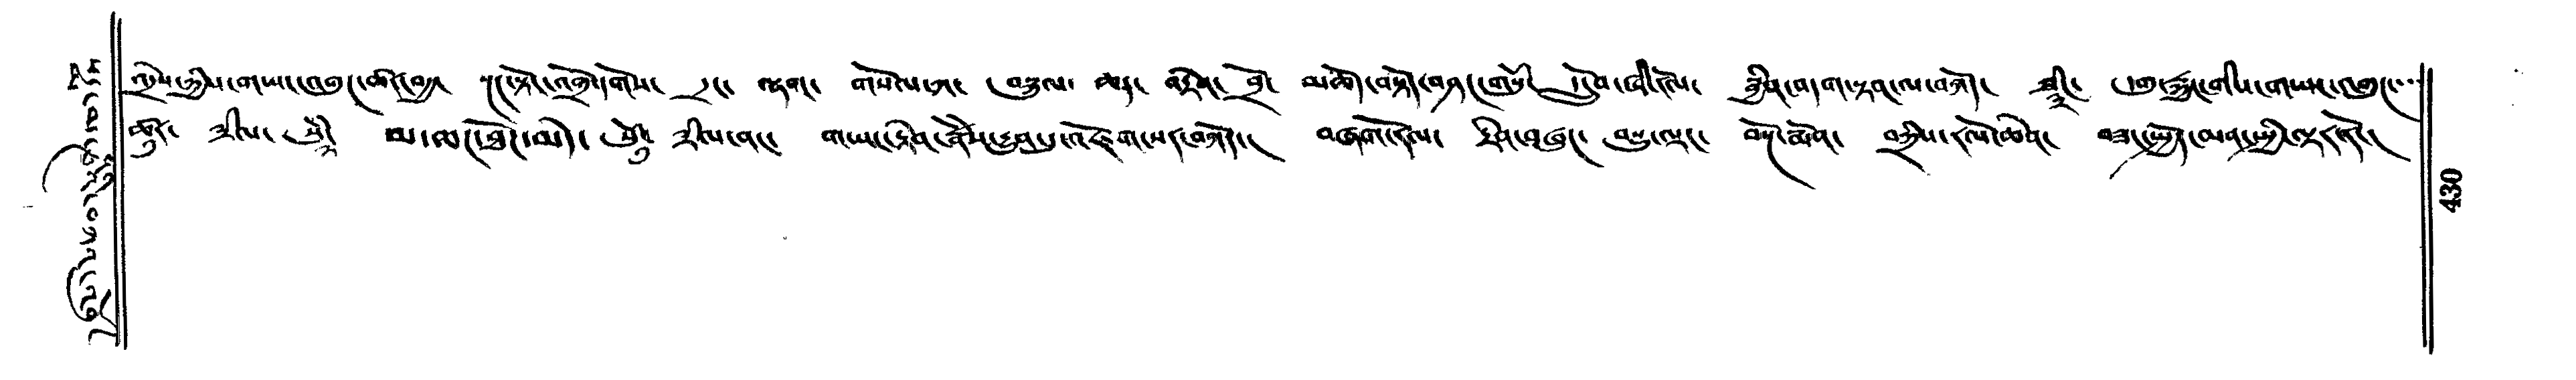འགྲེས་ཀྱིས་གཡང་འགུགས་ཚར་བརྒྱ། སྔགས་སྟོང་འགྲོ་དགོས། དྲང་། ལྷག གསོལ་ཀ བསྐུལ། ཆད། བརྟན། བྲོ། མཆོད་བསྟོད་བཤགས་གསུམ། དངོས་གྲུབ་ཞི་རོལ། སྦྱིན་བདག་སྟན་ལ་འཁོད། ཐིང་གསུམ། དགུ་རྐྱང་གིས་གཡང་འགུགས་
ཚར་གཅིག ཟིལ། སུམ་གཉིས། མ་ཆགས་ཐོགས་མེད༴ སུམ་གཅིག ཟིལ་ནང་། གཡང་རྟེན་རྣམས་རྒྱུན་དུ་འཇོག་སར་དགོད། བཞག་རོལ། རྟེན་བཞུགས། བསྡུ་ལྡང་། བསྔོ་སྨོན། བཀྲ་ཤིས་རོལ་ཆེན། བཟང་སྤྱོད་མན་སྤྱི་ལྟར་རོ།།